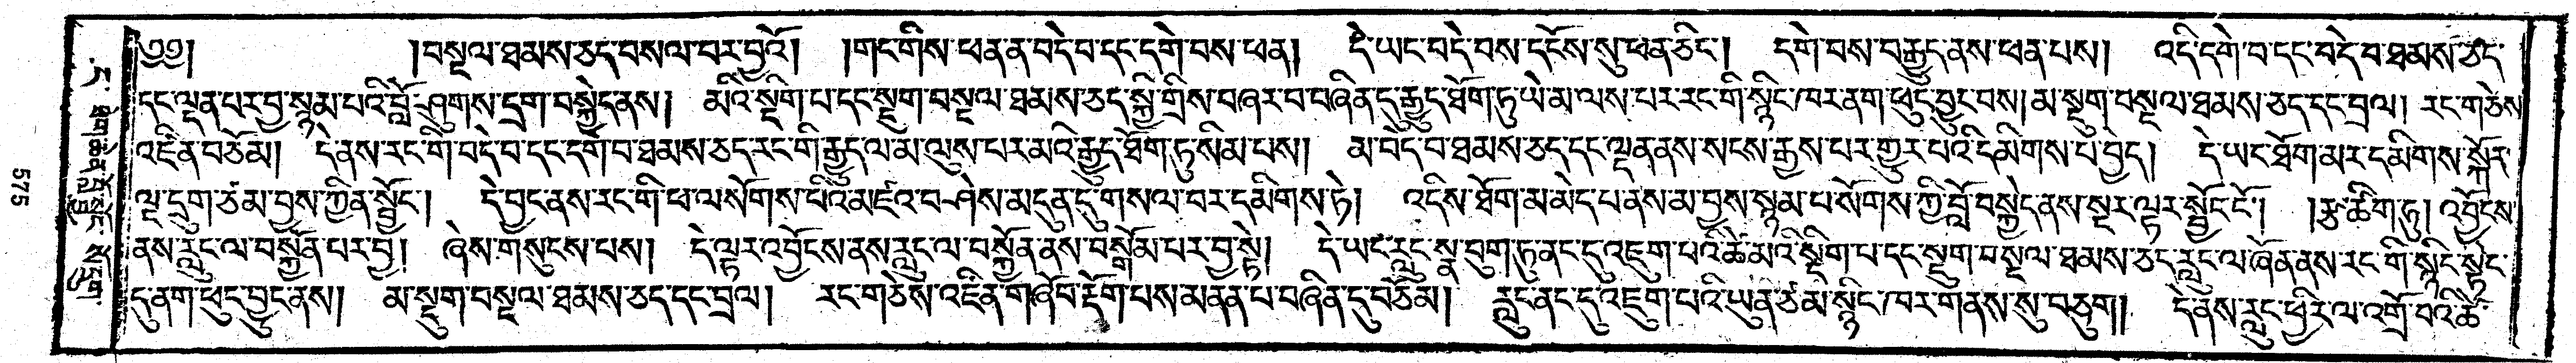༄༅། །བསྔལ་ཐམས་ཅད་བསལ་བར་བྱའོ། །གང་གིས་ཕན་ན་བདེ་པ་དང་དགེ་བས་ཕན། དེ་ཡང་བདེ་བས་དངོས་སུ་ཕན་ཅིང་། དགེ་བས་བརྒྱུད་ནས་ཕན་པས། འདི་དགེ་བ་དང་བདེ་བ་ཐམས་ཅད་
དང་ལྡན་པར་བྱ་སྙམ་པའི་བློ་ཤུགས་དྲག་བསྐྱེད་ནས། མའི་སྡིག་པ་དང་སྡུག་བསྔལ་ཐམས་ཅད་སྐྱི་གྲིས་བཞར་བ་བཞིན་དུ་རྒྱུད་ཐོག་ཏུ་ཡེ་མ་ལས་པར་རང་གི་སྙིང་ཁར་ནག་ཕུང་བྱུང་བས། མ་སྡུག་བསྔལ་ཐམས་ཅད་དང་བྲལ། རང་གཅེས་
འཛིན་བཅོམ། དེ་ནས་རང་གི་བདེ་བ་དང་དགེ་བ་ཐམས་ཅད་རང་གི་རྒྱུད་ལ་མ་ལུས་པར་མའི་རྒྱུད་ཐོག་ཏུ་སིམ་པས། མ་བདེ་བ་ཐམས་ཅད་དང་ལྡན་ནས་སངས་རྒྱས་པར་གྱུར་པའི་དམིགས་པ་བྱེད། དེ་ཡང་ཐོག་མར་དམིགས་སྐོར་
ལྔ་དྲུག་ཙམ་བྱས་ཀྱིན་སྦྱོང་། དེ་བྱང་ནས་རང་གི་ཕ་ལ་སོགས་པའི་མཛའ་བཤེས་མདུན་དུ་གསལ་བར་དམིགས་ཏེ། འདིས་ཐོག་མ་མེད་པ་ནས་མ་བྱས་སྙམ་པ་སོགས་ཀྱི་བློ་བསྐྱེད་ནས་སྔར་ལྟར་སྦྱོང་ངོ། །རྩ་ཚིག་ཧུ། འབྱོངས་
ནས་རླུང་ལ་བསྐྱོན་པར་བྱ། ཞེས་གསུངས་པས། དེ་ལྟར་འབྱོངས་ནས་རླུང་ལ་བསྐྱོན་ནས་བསྒོམ་པར་བྱ་སྟེ། དེ་ཡང་རླུང་སྣ་བུག་ཏུ་ནང་དུ་འཇུག་པའི་ཚེ་མའི་སྡིག་པ་དང་སྡུག་བསྔལ་ཐམས་ཅད་རླུང་ལ་ཞོན་ནས་རང་གི་སྙིང་སྟེང་
དུ་ནག་ཕུང་བྱུང་ནས། མ་སྡུག་བསྔལ་ཐམས་ཅད་དང་བྲལ། རང་གཅེས་འཛིན་གཞོབ་རྡོག་པས་མནན་པ་བཞིན་དུ་བཅོམ། རླུང་ནང་དུ་འཇུག་པའི་ཡུན་ཙམ་སྙིང་ཁར་གནས་སུ་བཅུག། དེ་ནས་རླུང་ཕྱིར་ལ་འགྲོ་བའི་ཚེ་